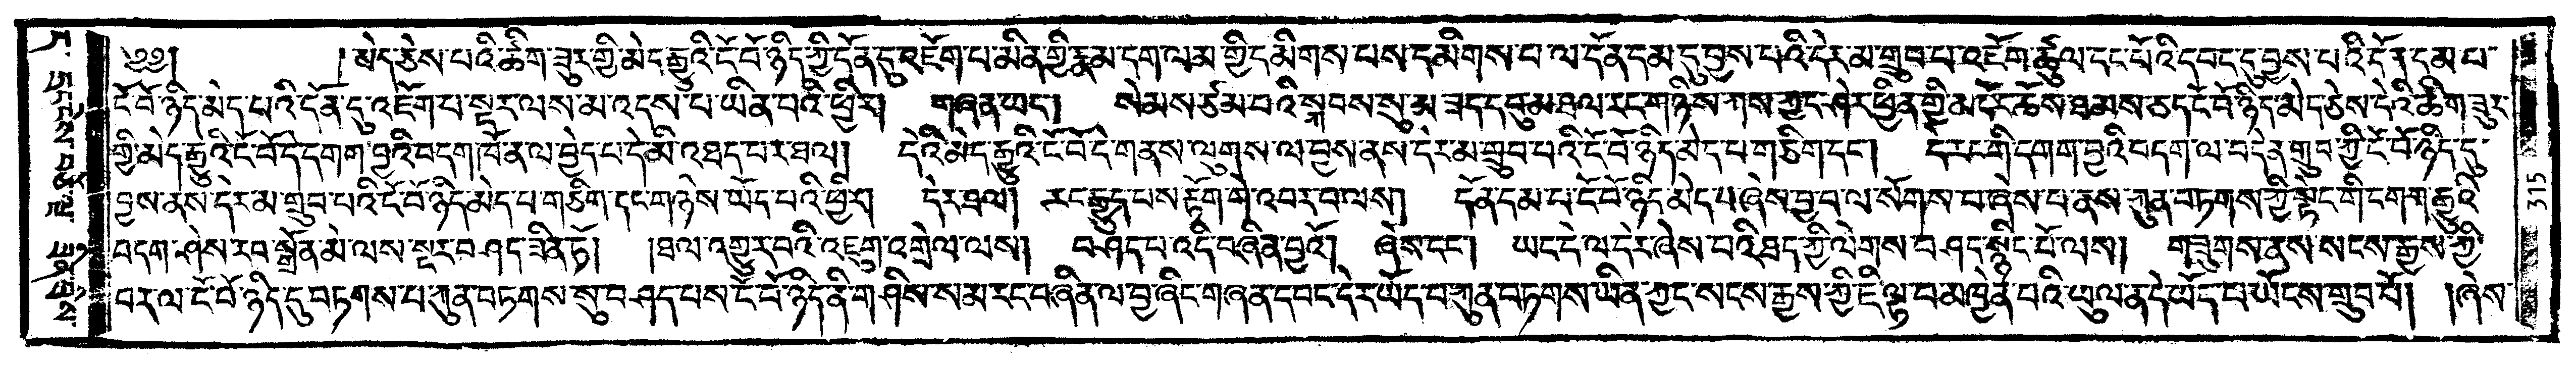༄༅། །མེད་ཅེས་པའི་ཚིག་ཟུར་གྱི་མེད་རྒྱུའི་ངོ་བོ་ཉིད་ཀྱི་དོན་དུ་འཇོག་པ་མིན་གྱི་རྣམ་དག་ལམ་གྱི་དམིགས་པས་དམིགས་པ་ལ་དོན་དམ་དུ་བྱས་པའི་དེར་མ་གྲུབ་པ་འཇོག་ཚུལ་དང་པོའི་དབང་དུ་བྱས་པའི་དོན་དམ་པ་
ངོ་བོ་ཉིད་མེད་པའི་དོན་དུ་འཇོག་པ་སྔར་ལས་མ་འདས་པ་ཡིན་པའི་ཕྱིར། གཞན་ཡང་། སེམས་ཙམ་པའི་སྐབས་སུ་མ་ཟད་དབུ་མ་ཐལ་རང་གཉིས་ཀས་ཀྱང་ཤེར་ཕྱིན་གྱི་མདོར་ཆོས་ཐམས་ཅད་ངོ་བོ་ཉིད་མེད་ཅེས་དེའི་ཚིག་ཟུར་
གྱི་མེད་རྒྱུའི་ངོ་བོ་དེ་དགག་བྱའི་བདག་ཁོ་ན་ལ་བྱེད་པ་དེ་མི་འཐད་པར་ཐལ། དེའི་མེད་རྒྱུའི་ངོ་བོ་དེ་གནས་ལུགས་ལ་བྱས་ནས་དེར་མ་གྲུབ་པའི་ངོ་བོ་ཉིད་མེད་པ་གཅིག་དང་། དེ་རང་གི་དགག་བྱའི་བདག་ལ་བདེན་གྲུབ་ཀྱི་ངོ་བོ་ཉིད་དུ་
བྱས་ནས་དེར་མ་གྲུབ་པའི་ངོ་བོ་ཉིད་མེད་པ་གཅིག་དང་གཉིས་ཡོད་པའི་ཕྱིར། དེར་ཐལ། རང་རྒྱུད་པས་རྟོག་གེ་འབར་བ་ལས། དོན་དམ་པ་ངོ་བོ་ཉིད་མེད་པ་ཞེས་བྱ་བ་ལ་སོགས་པ་ཞེས་པ་ནས་ཀུན་བཏགས་ཀྱི་སྟེང་གི་དགག་རྒྱུའི་
བདག་ཤེས་རབ་སྒྲོན་མེ་ལས་སྔར་བཤད་ཟིན་ཏོ། །ཐལ་འགྱུར་བའི་འཇུག་འགྲེལ་ལས། བཤད་པ་འདི་བཞིན་བྱའོ། ཞེས་དང་། ཡང་དེ་ལ་དེར་ཞེས་པའི་ཐད་ཀྱི་ལེགས་བཤད་སྙིང་པོ་ལས། གཟུགས་ནས་སངས་རྒྱས་ཀྱི་
བར་ལ་ངོ་བོ་ཉིད་དུ་བཏགས་པ་ཀུན་བཏགས་སུ་བཤད་པས་ངོ་བོ་ཉིད་ནི་གཤིས་སམ་རང་བཞིན་ལ་བྱ་ཞིང་གཞན་དབང་དེར་ཡོད་པ་ཀུན་བཏགས་ཡིན་ཀྱང་སངས་རྒྱས་ཀྱི་ཇི་ལྟ་བ་མཁྱེན་པའི་ཡུལ་ན་དེ་ཡོད་པ་ཡོངས་གྲུབ་བོ། །ཞེས་